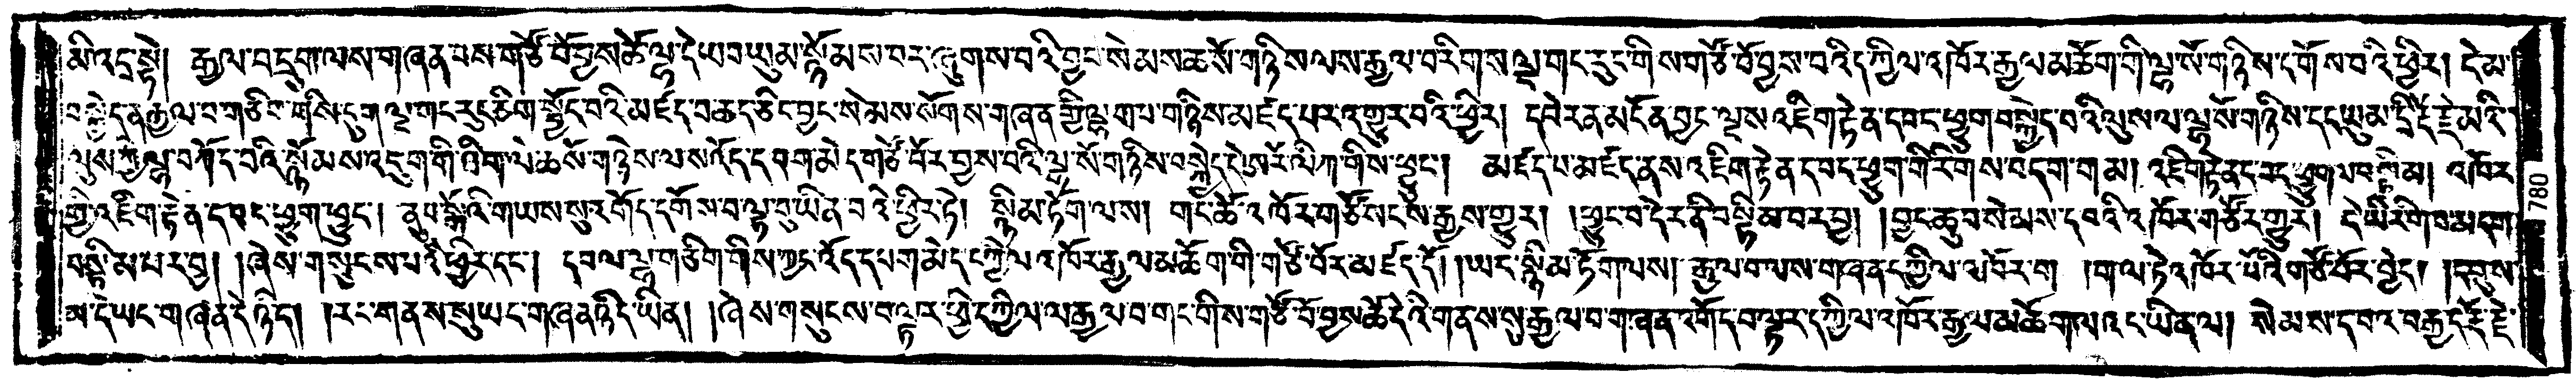མི་འདྲ་སྟེ། རྒྱལ་བ་དྲུག་ལས་གཞན་པས་གཙོ་བོ་བྱས་ཚེ་ལྷ་དེ་ཡབ་ཡུམ་སྙོམས་བར་ཞུགས་བའི་བྱང་སེམས་ཆ་སོ་གཉིས་ལས་རྒྱལ་བ་རིགས་ལྔ་གང་རུང་གིས་གཙོ་བོ་བྱས་བའི་དཀྱིལ་འཁོར་རྒྱལ་མཆོག་གི་ལྷ་སོ་གཉིས་དགོས་པའི་ཕྱིར། དེ་མ་
བསྐྱེད་ན་རྒྱལ་པ་གཅིག་གིས་དུག་ལྔ་གང་རུང་ཅིག་སྦྱོང་བའི་མཛད་བ་ཆད་ཅིང་བྱང་སེམས་སོགས་གཞན་གྱི་ལྷག་པ་གཉིས་མཛད་པར་འགྱུར་བའི་ཕྱིར། དབེར་ན་མངོན་བྱང་ལྔས་འཇིག་རྟེན་དབང་ཕྱུག་བསྐྱེད་པའི་ལུས་ལ་ལྷ་སོ་གཉིས་དང་ཡུམ་དྲི་རྡོ་རྗེ་མའི་
ལུས་ཀྱི་ལྷ་བཀོད་བའི་སྙོམས་འདུག་གི་ཐིག་ལེ་ཆོས་གཉིས་ལས་འོད་དབག་མེད་གཙོ་བོར་བྱས་པའི་ལྷ་སོ་གཉིས་བསྐྱེད་དེ་ཨ་རོ་ལི་ག་གིས་ཕྱུང་། མཛད་པ་མཛད་ནས་འཇིག་རྟེན་དབང་ཕྱུག་གི་རིགས་བདག་གམ། འཇིག་རྟེན་དབང་ཕྱུག་ལ་བསྟིམ། འཁོར་
གྱི་འཇིག་རྟེན་དབང་ཕྱུག་ཕྱུང་། ནུབ་སྒོའི་གཡས་སུ་འགོད་དགོས་བ་ལྟ་བུ་ཡིན་བའི་ཕྱིར་ཏེ། སྙིམ་ཏོག་ལས། གང་ཚེ་འཁོར་གཙོ་སངས་རྒྱས་གྱུར། །ཕྱུང་བ་དེར་ནི་བསྟིམ་པར་བྱ། །བྱང་ཆུབ་སེམས་དཔའི་འཁོར་གཙོར་གྱུར། །དེ་ཡི་རིགས་བདག་
བསྟིམ་པར་བྱ། །ཞེས་གསུངས་པའི་ཕྱིར་དང་། དབལ་ལྷ་གཅིག་གིས་ཀྱང་འོད་དཔག་མེད་དབྱིལ་འཁོར་རྒྱལ་མཆོག་གི་གཙོ་བོར་མཛད་དོ། །ཡང་སྙིམ་ཏོག་ལས། རྒྱལ་བ་ལས་གཞན་དཀྱིལ་འཁོར་ལ། །གལ་ཏེ་འཁོར་ལོའི་གཙོ་བོ་ཕྱིར། །དགུས་
མ་དེ་ཡང་གཞན་དེ་ཉིད། །རང་གནས་སུ་ཡང་བ་ཞན་ཉིད་ཡིན། །ཞེས་གསུངས་པ་ལྟར་ཕྱི་དགྱེལ་ལ་རྒྱལ་བ་གང་གིས་གཙོ་བོ་བྱས་ཚེ་དེའི་གནས་སུ་རྒྱལ་བ་གཞན་འགོད་བ་ལྟར་དཀྱིལ་འཁོར་རྒྱལ་མཚོག་དང་ཡིན་ལ། སེམས་དབའ་བརྒྱད་རྡོ་རྗེ་